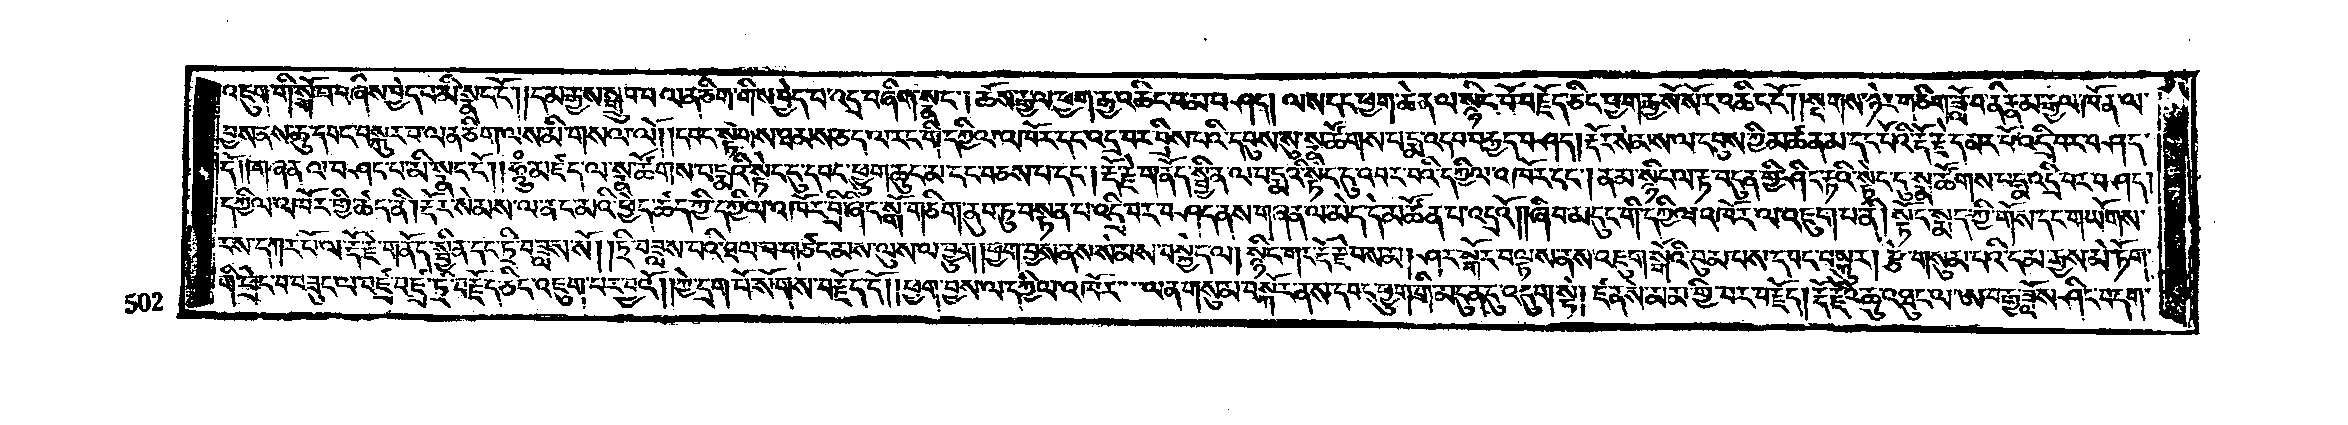འཇུག་གི་སྒོབ་བཞིས་བྱེད་པ་མི་སྣང་ངོ། །དམ་རྒྱས་སྒྲུབ་པ་ལན་ཅིག་གིས་བྱེད་པ་འདྲ་བཞིག་སྣང་། ཆོས་རྒྱ་ལ་ཕྱག་རྒྱ་འཆིང་བ་མ་བཤད། ལས་དང་ཕྱག་ཆེན་ལ་སྙིང་པོ་བརྗོད་ཅིང་ཕྱག་རྒྱ་སོ་སོར་འཆིང་ངོ། །སྔགས་ཉེར་གཅིག་ཟློ་བ་ནི་རྣམ་རྒྱལ་ཁོ་ན་ལ་
བྱས་ནས་ཆུ་དབང་བསྐུར་བ་ལན་ཅིག་ལས་མི་གསལ་ལོ། །དབང་སྟེགས་?་ཐམས་ཅད་ལ་རང་གི་དཀྱིལ་འཁོར་དང་འདྲ་བར་བྲིས་པའི་དབུས་སུ་སྣ་ཚོགས་པདམ་འདབ་བརྒྱད་བཤད། རྡོར་སེམས་ལ་དབུས་ཀྱི་མཚན་མ་དང་པོའི་རྡོ་རྗེ་དམར་པོ་འདྲི་བར་བཤད་
དོ། །གཞན་ལ་བཤད་པ་མི་སྣང་ངོ། །ཧཱུཾ་མཛད་ལ་སྣ་ཚོགས་པདམའི་སྟེང་དུ་དབང་ཕྱུག་ཆུང་མ་དང་བཅས་པ་དང་། རྡོ་རྗེ་གནོད་སྦྱིན་ལ་པདམའི་སྟེང་དུ་འབར་བའི་དཀྱིལ་འཁོར་དང་། ནམ་སྙིང་ལ་རྟ་བདུན་གྱི་ཤིང་རྟའི་སྟེང་དུ་སྣ་ཚོགས་པདམ་འདྲི་བར་བཤད།
དཀྱིལ་འཁོར་གྱི་ཚད་ནི། རྡོར་སེམས་ལ་ནང་མའི་ཕྱེད་ཚད་ཀྱི་དཀྱིལ་འཁོར་བྲི་ཞིང་སྒོ་གཅིག་ནུབ་ཏུ་བསྟན་པ་འདྲི་བར་བཤད་ནས་གཞན་ལ་མེད་དེ་མཚོན་པ་འདྲའོ། །ཞིབ་མདུང་གི་དཀྱིལ་འཁོར་ལ་འཇུག་པ་ནི། སྟོང་སྨད་ཀྱི་གོས་དང་གཡོགས་
རས་དཀར་པོ་ལ་རྡོ་རྗེ་གནོད་སྦྱིན་དང་ཏྲི་བཟླས་སོ། །ཏྲི་བཟླས་པའི་ཐལ་བ་གཙང་མས་ལུས་ལ་བྱུག །ཕྱག་བྱས་ནས་སེམས་བསྐྱེད་ལ། སྙིང་གར་རྡོ་རྗེ་བསམ། ཤར་སྒོར་བལྟས་ནས་འཇུག་སྒོའི་བུམ་པས་དབང་བསྐུར། རྩེ་གསུམ་པའི་དམ་རྒྱས་མེ་ཏོག་
གི་ཕྲེང་བ་བཟུང་ལ་བཛྲ་བཛྲ་ཏྲི་བརྗོད་ཅིང་འཇུག་པར་བྱའོ། །ཀྱེ་དྲག་པོ་སོགས་བརྗོད་དོ། །ཕྱག་བྱས་ལ་དཀྱིལ་འཁོར་ལན་གསུམ་བསྐོར་ནས་དབང་ཕྱུག་གི་མདུན་དུ་འཇུག་སྟེ། ཛ་ན་སེ་མམ་གྱི་བར་བརྗོད། རྡོ་རྗེའི་ཆུ་འཐུང་ལ་ཨ་བརྒྱ་ཟློས་ཤིང་བདག །